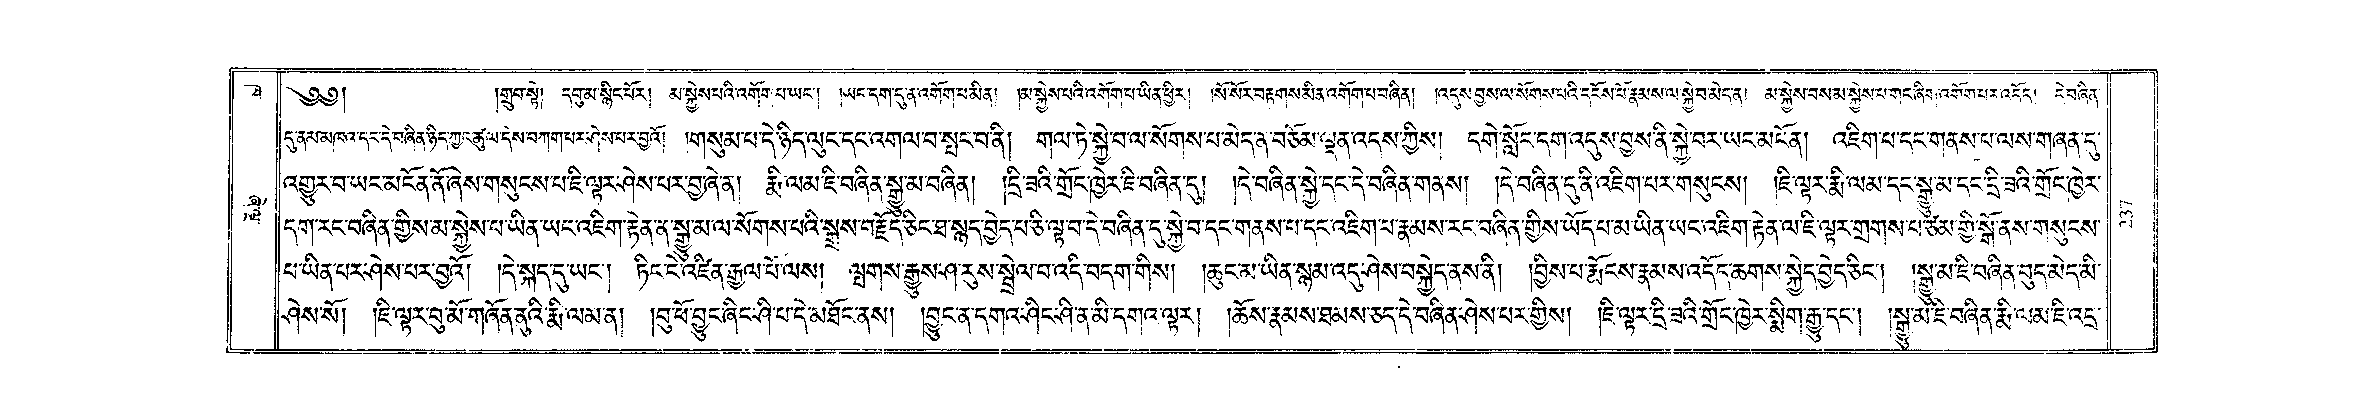༄༅། །གྲུབ་སྟེ། དབུ་མ་སྙིང་པོར། མ་སྐྱེས་པའི་འགོག་པ་ཡང་། །ཡང་དག་དུ་ན་འགོག་པ་མིན། །མ་སྐྱེས་པའི་འགོག་པ་ཡིན་ཕྱིར། །སོ་སོར་བརྟགས་མིན་འགོག་པ་བཞིན། །འདུས་བྱས་ལ་སོགས་པའི་དངོས་པོ་རྣམས་ལ་སྐྱེ་བ་མེད་ན། མ་སྐྱེས་བསམ་སྐྱེས་པ་གང་ཞིག་འགོག་པར་འདོད། དེ་བཞིན་
དུ་ནམ་མཁའ་དང་དེ་བཞིན་ཉིད་ཀྱང་ཚུལ་དེས་བཀག་པར་ཤེས་པར་བྱའོ། །གསུམ་པ་དེ་ཉིད་ལུང་དང་འགལ་བ་སྤང་བ་ནི། གལ་ཏེ་སྐྱེ་བ་ལ་སོགས་པ་མེད་ན་བཅོམ་ལྡན་འདས་ཀྱིས། དགེ་སློང་དག་འདུས་བྱས་ནི་སྐྱེ་བར་ཡང་མངོན། འཇིག་པ་དང་གནས་པ་ལས་གཞན་དུ་
འགྱུར་བ་ཡང་མངོན་ནོ་ཞེས་གསུངས་པ་ཇི་ལྟར་ཤེས་པར་བྱ་ཞེ་ན། རྨི་ལམ་ཇི་བཞིན་སྒྱུ་མ་བཞིན། །དྲི་ཟའི་གྲོང་ཁྱེར་ཇི་བཞིན་དུ། །དེ་བཞིན་སྐྱེ་དང་དེ་བཞིན་གནས། །དེ་བཞིན་དུ་ནི་འཇིག་པར་གསུངས། །ཇི་ལྟར་རྨི་ལམ་དང་སྒྱུ་མ་དང་དྲི་ཟའི་གྲོང་ཁྱེར་
དག་རང་བཞིན་གྱིས་མ་སྐྱེས་པ་ཡིན་ཡང་འཇིག་རྟེན་ན་སྒྱུ་མ་ལ་སོགས་པའི་སྒྲས་བརྗོད་ཅིང་ཐ་སྙད་བྱེད་པ་ཅི་ལྟ་བ་དེ་བཞིན་དུ་སྐྱེ་བ་དང་གནས་པ་དང་འཇིག་པ་རྣམས་རང་བཞིན་གྱིས་ཡོད་པ་མ་ཡིན་ཡང་འཇིག་རྟེན་ལ་ཇི་ལྟར་གྲགས་པ་ཙམ་གྱི་སྒོ་ནས་གསུངས་
པ་ཡིན་པར་ཤེས་པར་བྱའོ། །དེ་སྐད་དུ་ཡང་། ཏིང་ངེ་འཛིན་རྒྱལ་པོ་ལས། ལྤགས་རྒྱུས་ཤ་རུས་སྦྲེལ་བ་འདི་བདག་གིས། །ཆུང་མ་ཡིན་སྙམ་འདུ་ཤེས་བསྐྱེད་ནས་ནི། །བྱིས་པ་རྨོངས་རྣམས་འདོད་ཆགས་སྐྱེད་བྱེད་ཅིང་། །སྒྱུ་མ་ཇི་བཞིན་བུད་མེད་མི་
ཤེས་སོ། །ཇི་ལྟར་བུ་མོ་གཞོན་ནུའི་རྨི་ལམ་ན། །བུ་ཕོ་བྱུང་ཞིང་ཤི་པ་དེ་མཐོང་ནས། །བྱུང་ན་དགའ་ཤིང་ཤི་ན་མི་དགའ་ལྟར། །ཆོས་རྣམས་ཐམས་ཅད་དེ་བཞིན་ཤེས་པར་གྱིས། །ཇི་ལྟར་དྲི་ཟའི་གྲོང་ཁྱེར་སྨིག་རྒྱུ་དང་། །སྒྱུ་མ་ཇི་བཞིན་རྨི་ལམ་ཇི་འདྲ་